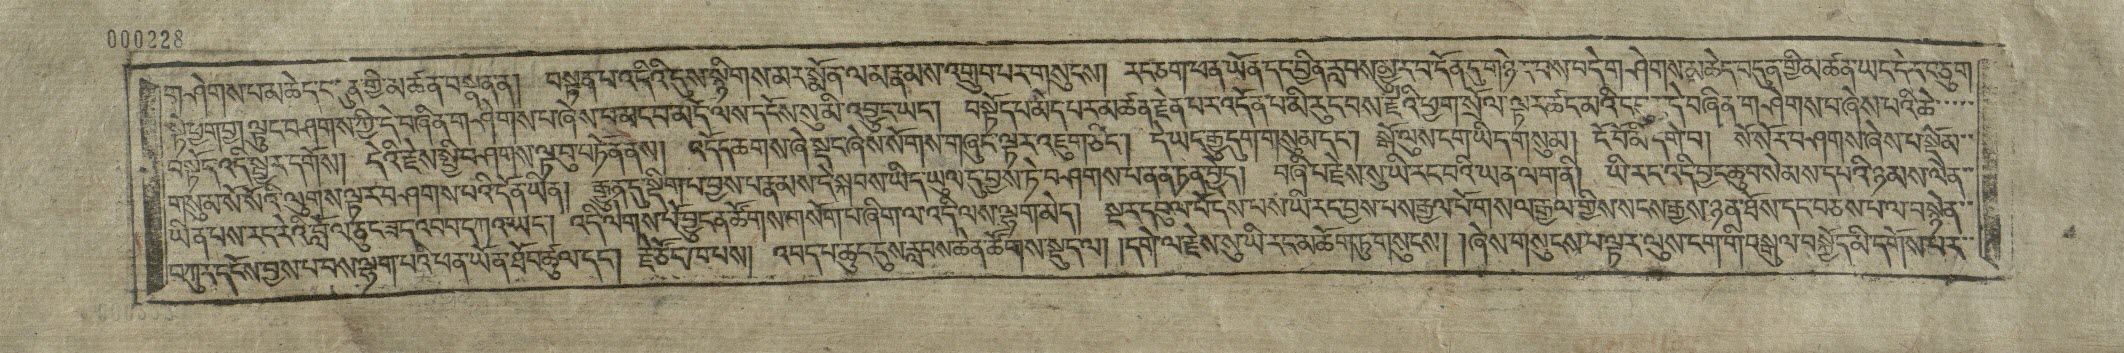གཤེགས་པ་མཆེད་བདུན་གྱི་མཚན་བསྣན་ན། བསྟན་པ་འདིའི་དུས་སྙིགས་མར་སྨོན་ལམ་རྣམས་འགྲུབ་པར་གསུངས། རང་ཅག་ཕན་ཡོན་དང་བྱིན་རླབས་མྱུར་བ་དོན་དུ་གཉེར་བས་བདེ་གཤེགས་མཆེད་བདུན་གྱི་མཚན་ཡང་དེར་བཅུག་
སྟེ་ཕྱག་བྱ། ལྟུང་བཤགས་ཀྱི་དེ་བཞིན་གཤེགས་པ་ཞེས་པ་མང་བ་མདོ་ལས་དངོས་སུ་མི་འབྱུང་ཡང་། བསྟོད་པ་མེད་པར་མཚན་རྗེན་པར་འདོན་པ་མི་རུང་བས་རྗེའི་ཕྱག་སྲོལ་ལྟར་ཚད་མའི་དབུར་དེ་བཞིན་གཤེགས་པ་ཞེས་པའི་ཆེ་
བསྟོད་འདི་སྦྱར་དགོས། དེའི་རྗེས་སྤྱི་བཤགས་ལྟ་བུ་བཏོན་ནས། འདོད་ཆགས་ཞེ་སྡང་ཞེས་སོགས་གཞུང་ལྟར་འཇུག་ཅིང་། དེ་ཡང་རྒྱུ་དུག་གསུམ་དང་། སྒོ་ལུས་ངག་ཡིད་གསུམ། ངོ་བོ་མི་དགེ་བ། སོ་སོར་བཤགས་ཞེས་པ་སྡོམ་
གསུམ་སོ་སོའི་ལུགས་ལྟར་བཤགས་པའི་དོན་ཡིན། རྒྱུན་དུ་སྡིག་པ་བྱས་པ་རྣམས་དེ་སྐབས་ཡིད་ཡུལ་དུ་བྱས་ཏེ་བཤགས་པ་ནན་ཏན་བྱེད། བཞི་པ་རྗེས་སུ་ཡི་རང་བའི་ཡན་ལག་ནི། ཡི་རང་འདི་བྱང་ཆུབ་སེམས་དཔའི་ཉམས་ལེན་
ཡིན་པས་རང་རེའི་བློ་ལ་ཅུང་ཟད་འབབ་དཀའ་ཡང་། འདི་ལེགས་པོ་བྱུང་ན་ཚོགས་གསོག་པ་ཞིག་ལ་འདི་ལས་ལྷག་མེད། སྔར་དབུལ་པོ་དེས་པས་ཡི་རང་བྱས་པས་རྒྱལ་པོ་གསལ་རྒྱལ་གྱིས་སངས་རྒྱས་ཉན་ཐོས་དང་བཅས་པ་ལ་བསྙེན་
བཀུར་དངོས་བྱས་པ་བས་ལྷག་པའི་ཕན་ཡོན་ཐོབ་ཚུལ་དང་། རྗེ་ཙོང་ཁ་པས། འབད་པ་ཆུང་ངུས་རླབས་ཆེན་ཚོགས་སྡུད་ལ། །དགེ་ལ་རྗེས་སུ་ཡི་རང་མཆོག་ཏུ་གསུངས། །ཞེས་གསུངས་པ་ལྟར་ལུས་ངག་གི་བསྒུལ་བསྐྱོད་མི་དགོས་པར་